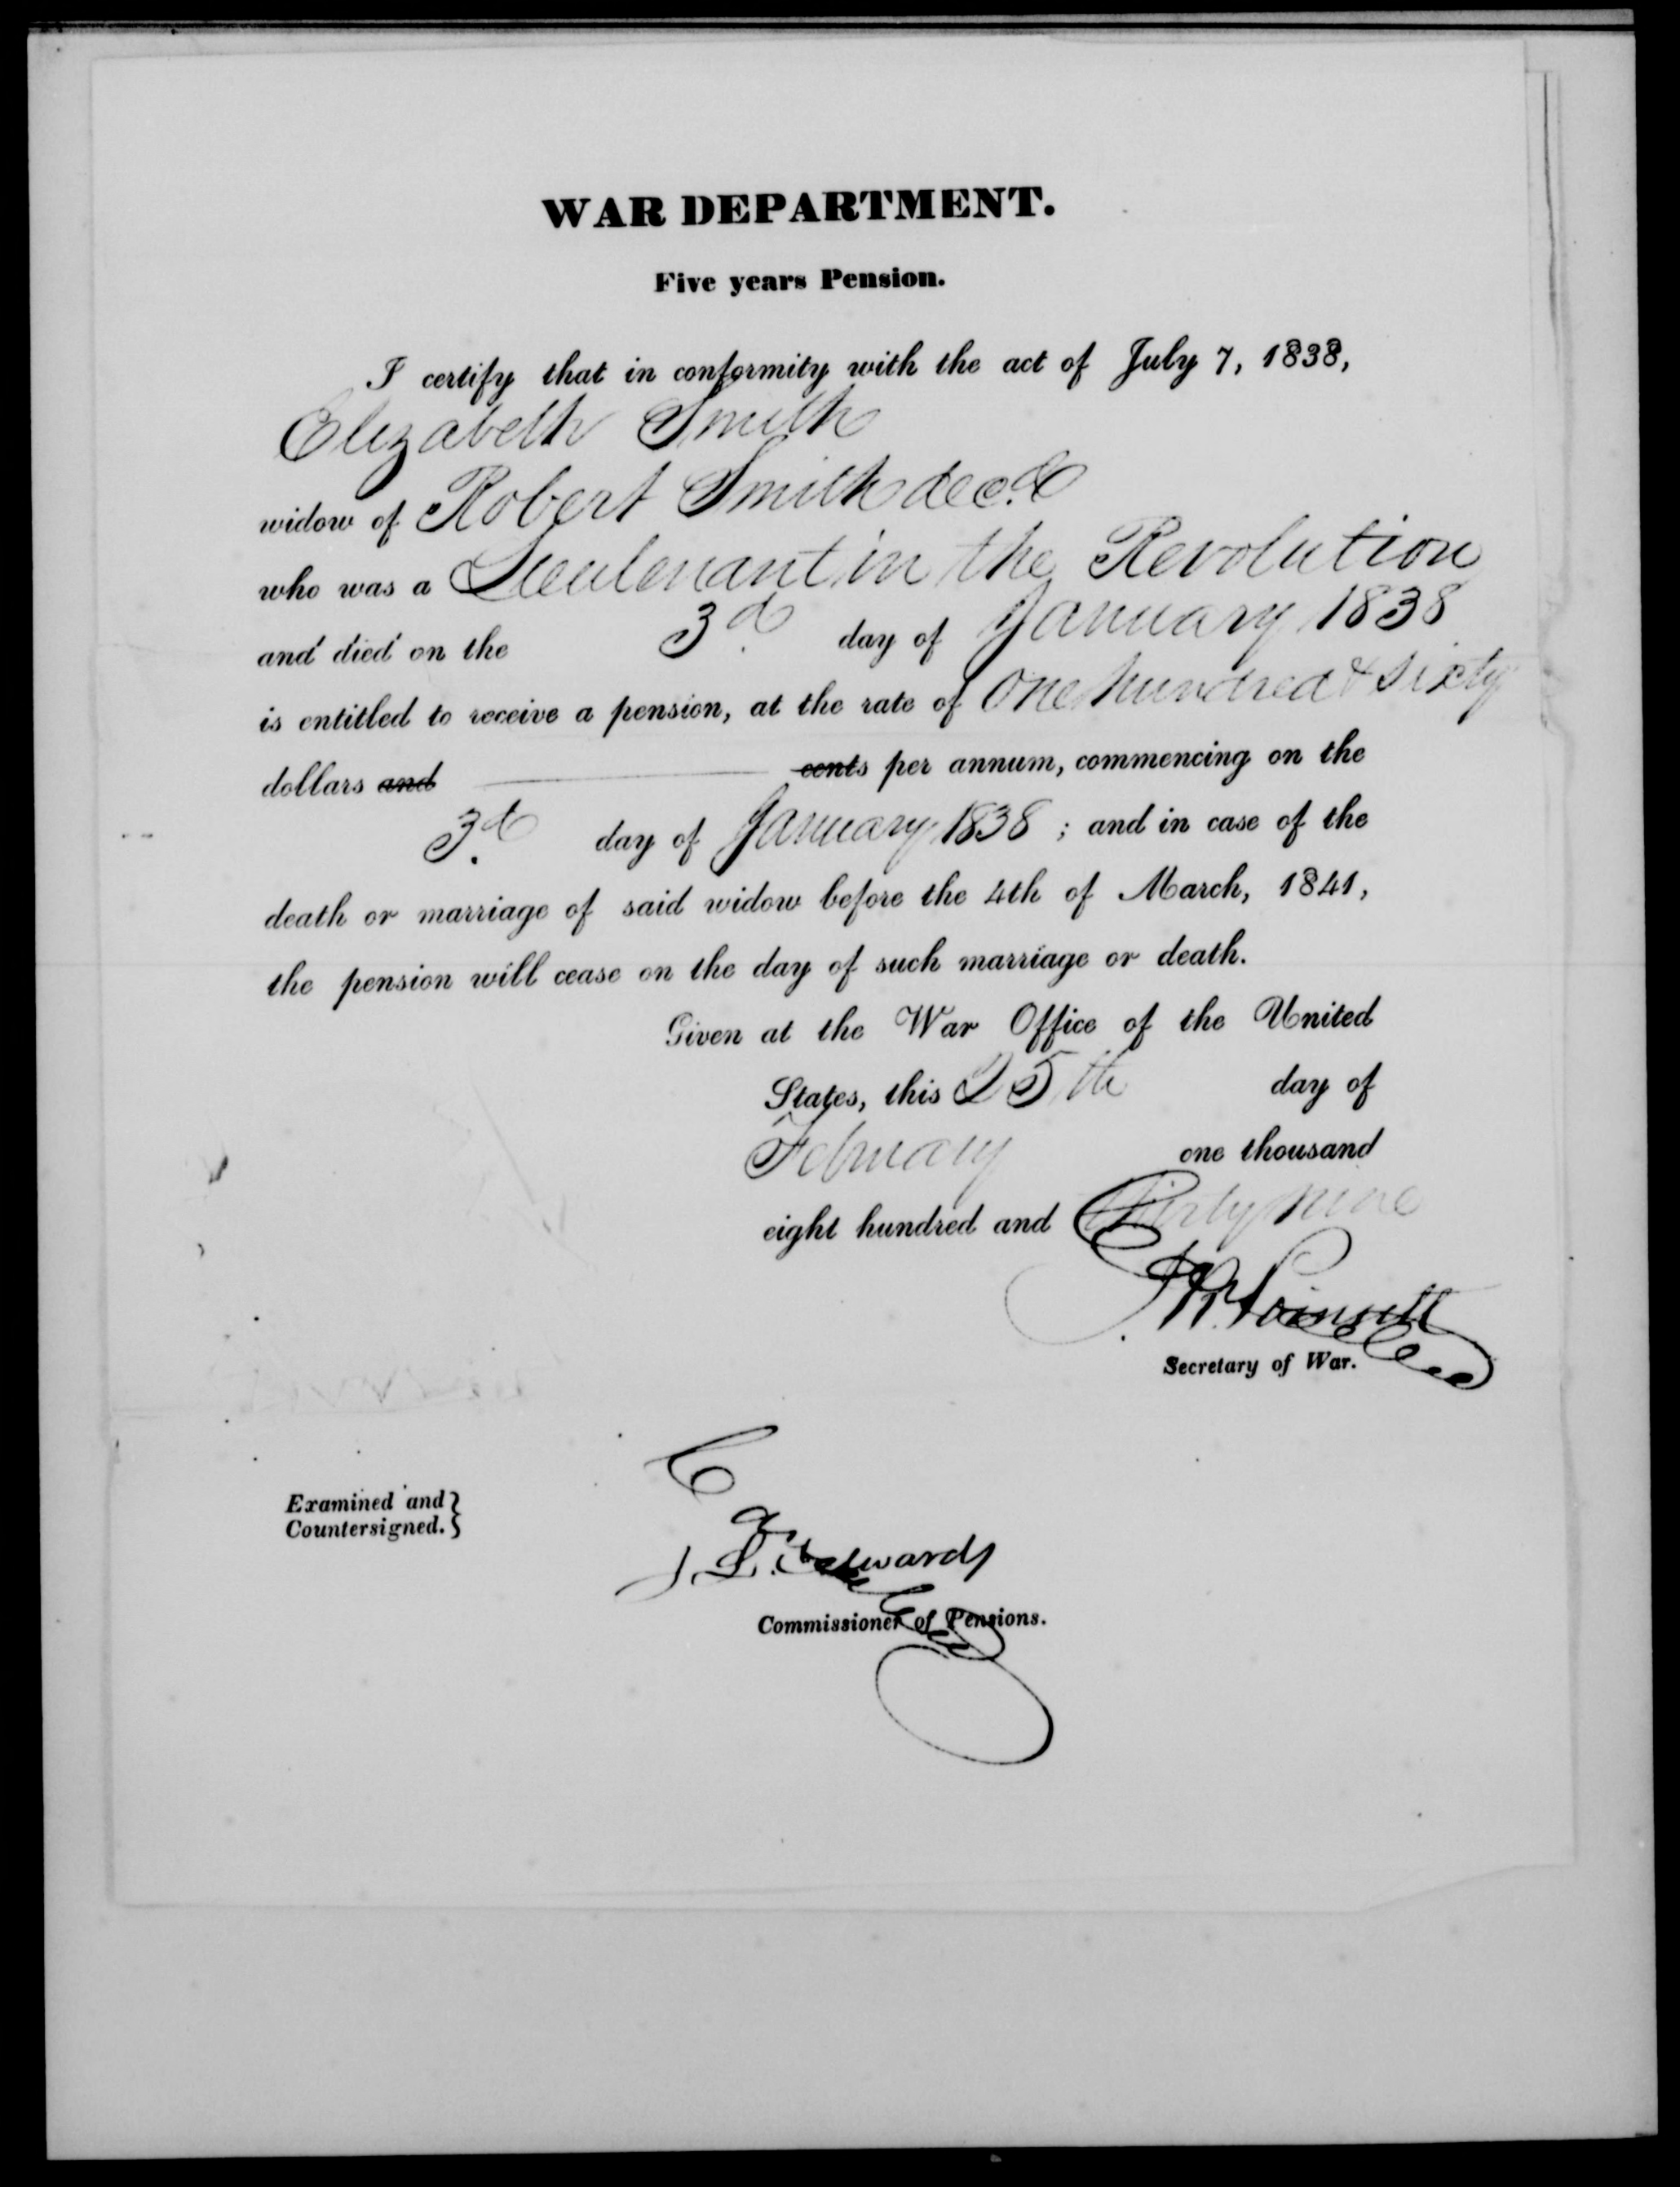WAR DEPARTMENT.
Five years Pension.
I certify that in conformity with the act of July 7, 1838,
Elizabeth Smith
widow of Robert Smith Decd.
who was a Lieutenant in the Revolution
and died on the 3d day of January 1838
is entitled to receive a pension, at the rate of one hundred & sixty
dollars per annum, commencing on the
3d day of January 1838; and in case of the
death or marriage of said widow before the 4th of March, 1841,
the pension will cease on the day of such marriage or death.

Given at the War Office of the United 
States, this 25th day of
February   one thousand
eight hundred and thirty nine

J R Poinsett              Cancelled
Secretary of War

Examined and   }
Countersigned. }

J. L. Edwards                                Cancelled
Commissioner of Pensions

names: Elizabeth Smith; J R Poinsett; Robert Smith; J L Edwards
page: 38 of 79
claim: widow's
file: W. 1504, for Robert Smith, North Carolina